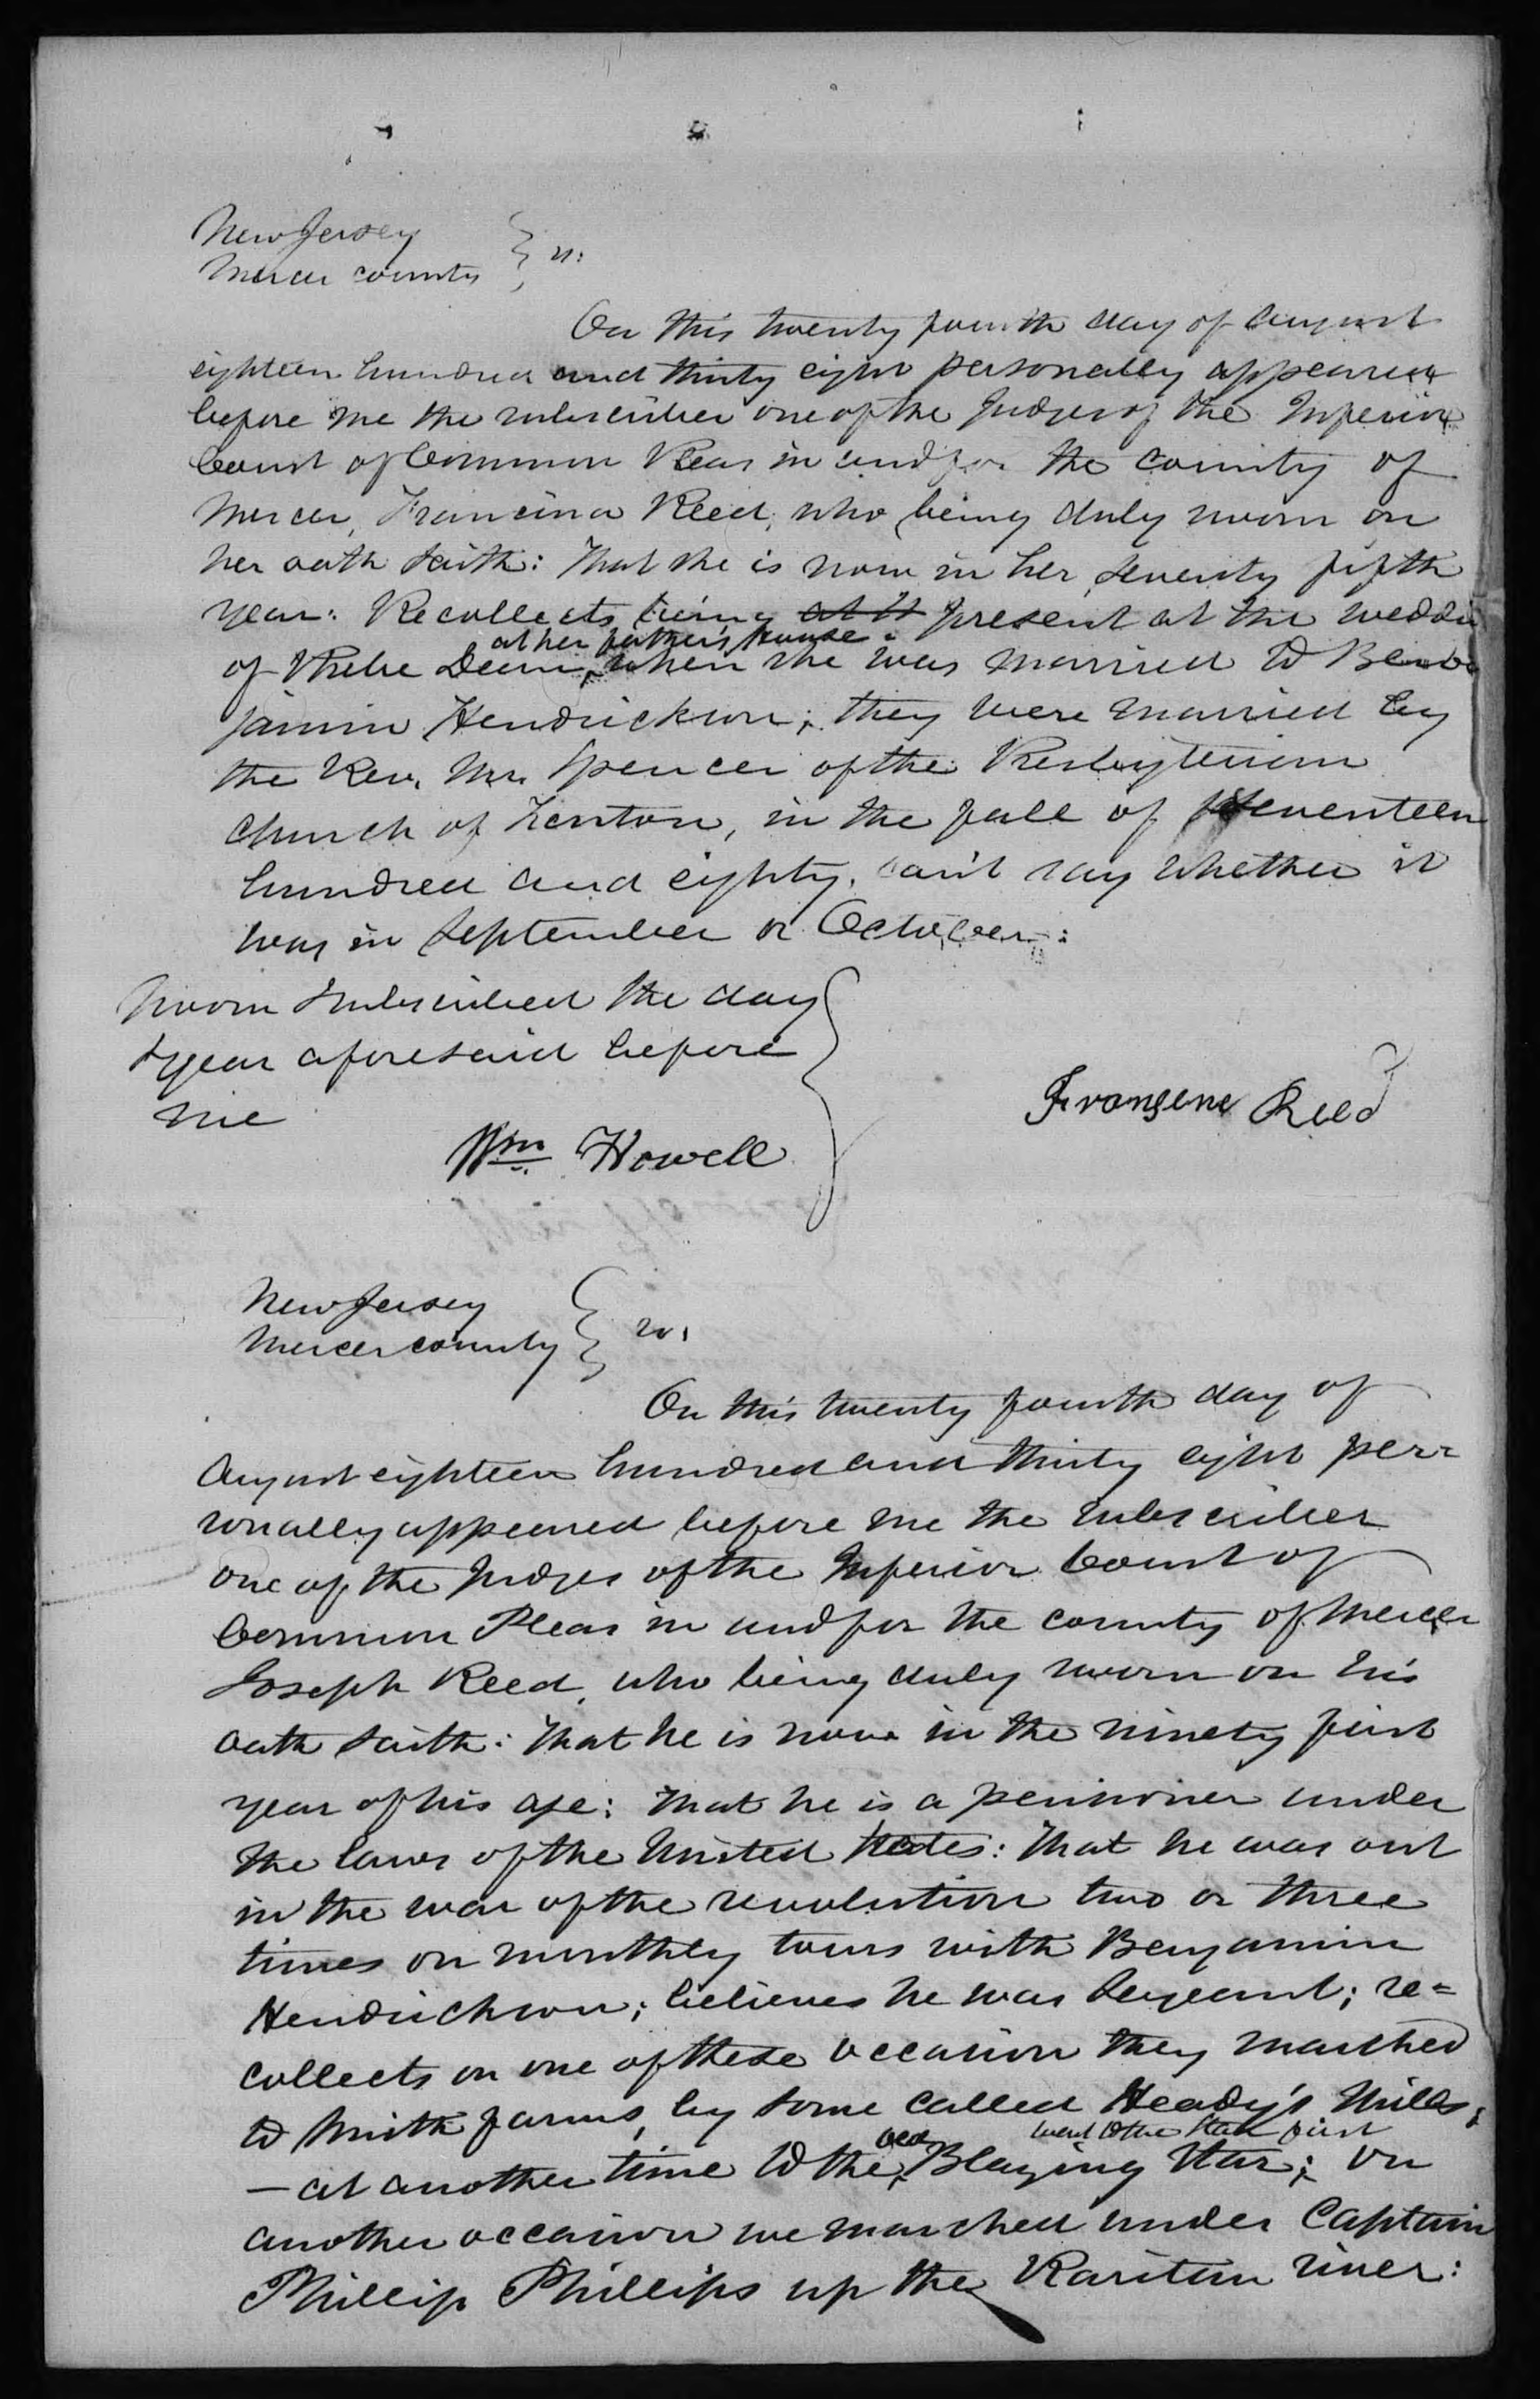New Jersey}
Mercer County} ss:
On this twenty fourth day of August eighteen hundred and thirty eight personally appeared before me the subscriber one of the Judges of the Inferior Court of Common Pleas in and for the County of Mercer, Fransina Reed, who being duly sworn on her oath saith: That she is now in her seventy fifth year: Recollects being present at the wedding of Phebe Dean at her father's house, when she was married to Benjamin Hendrickson; they were married by the Rev. Mr. Spencer of the Presbyterian Church of Trenton, in the fall of seventeen hundred and eighty. Can't say whether was in September or October:
Fransene Reed
Sworn & subscribed the day}
& year aforesaid before}
me}
Wm.. Howell}

New Jersey}
Mercer County} ss:
On this twenty fourth day of August eighteen hundred and thirty eight personally appeared before me the subscriber one of the Judges of the Inferior Court of Common Pleas in and for the County of Mercer Joseph Reed, who being duly sworn on his oath saith: That he is now in the ninety first year of his age: that he is a pensioner under the laws of the United States: That he was out in the war of the revolution two or three times on monthly tours with Benjamin Hendrickson; believes he was Sergeant; recollects on one of these occasion they marched to Smith farms, by some called Healy's Mills, - at another time to the old Blazing Star, went to the Star first; on
another occasion we marched under Captain
Phillip Phillips up the Raritan River:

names: Spencer, Wm Howell, Hendrickson, Fransene Reed, Benjamin Hendrickson, Phillip Phillips, Francina Reed, Phebe Dean, Joseph Reed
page: 10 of 20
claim: rejected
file: R. 4884, Benjamin Hendrickson, New Jersey